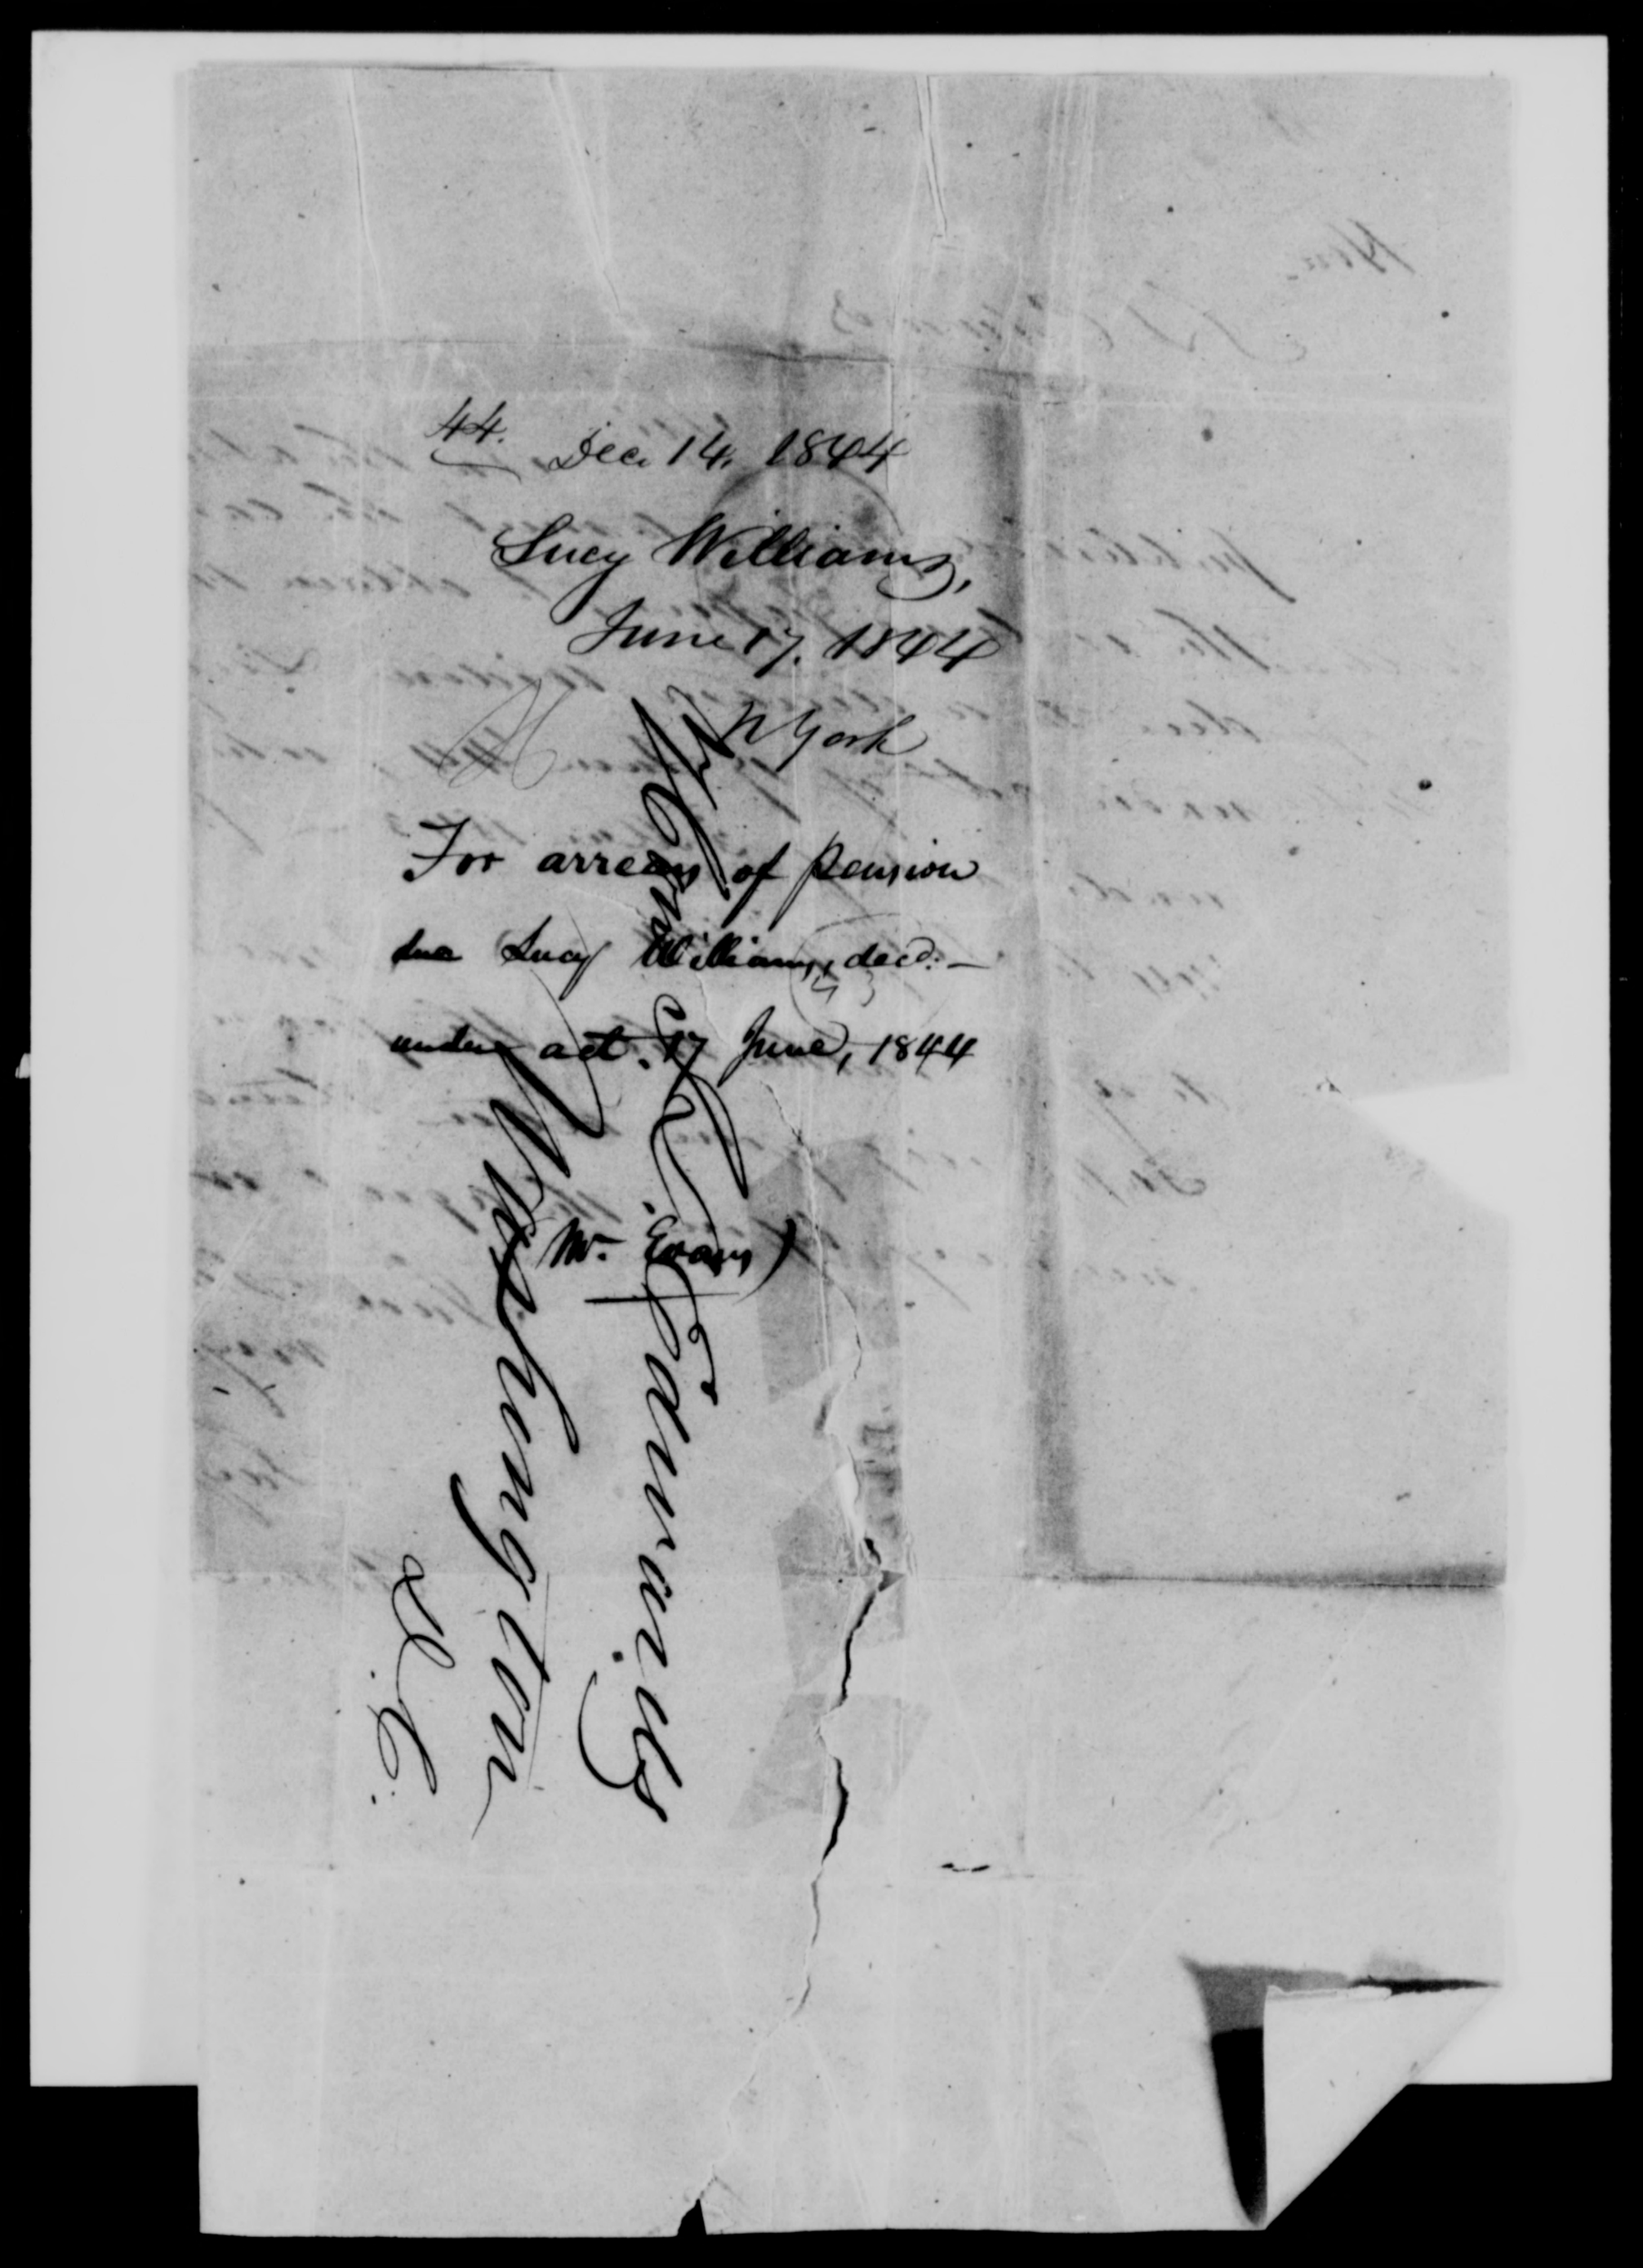44
Dec. 14, 1844
Lucy Williams
June 17, 1844
N York
For arrears of pension Sue Lucy Williams decd
Under act of June, 1844
Mr. Evans

Hon J L Edwards
Washington D. C.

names: J L Edwards, Lucy Williams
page: 28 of 63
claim: widow's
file: W. 22,632, David Williams, Conn. Continental Privateer